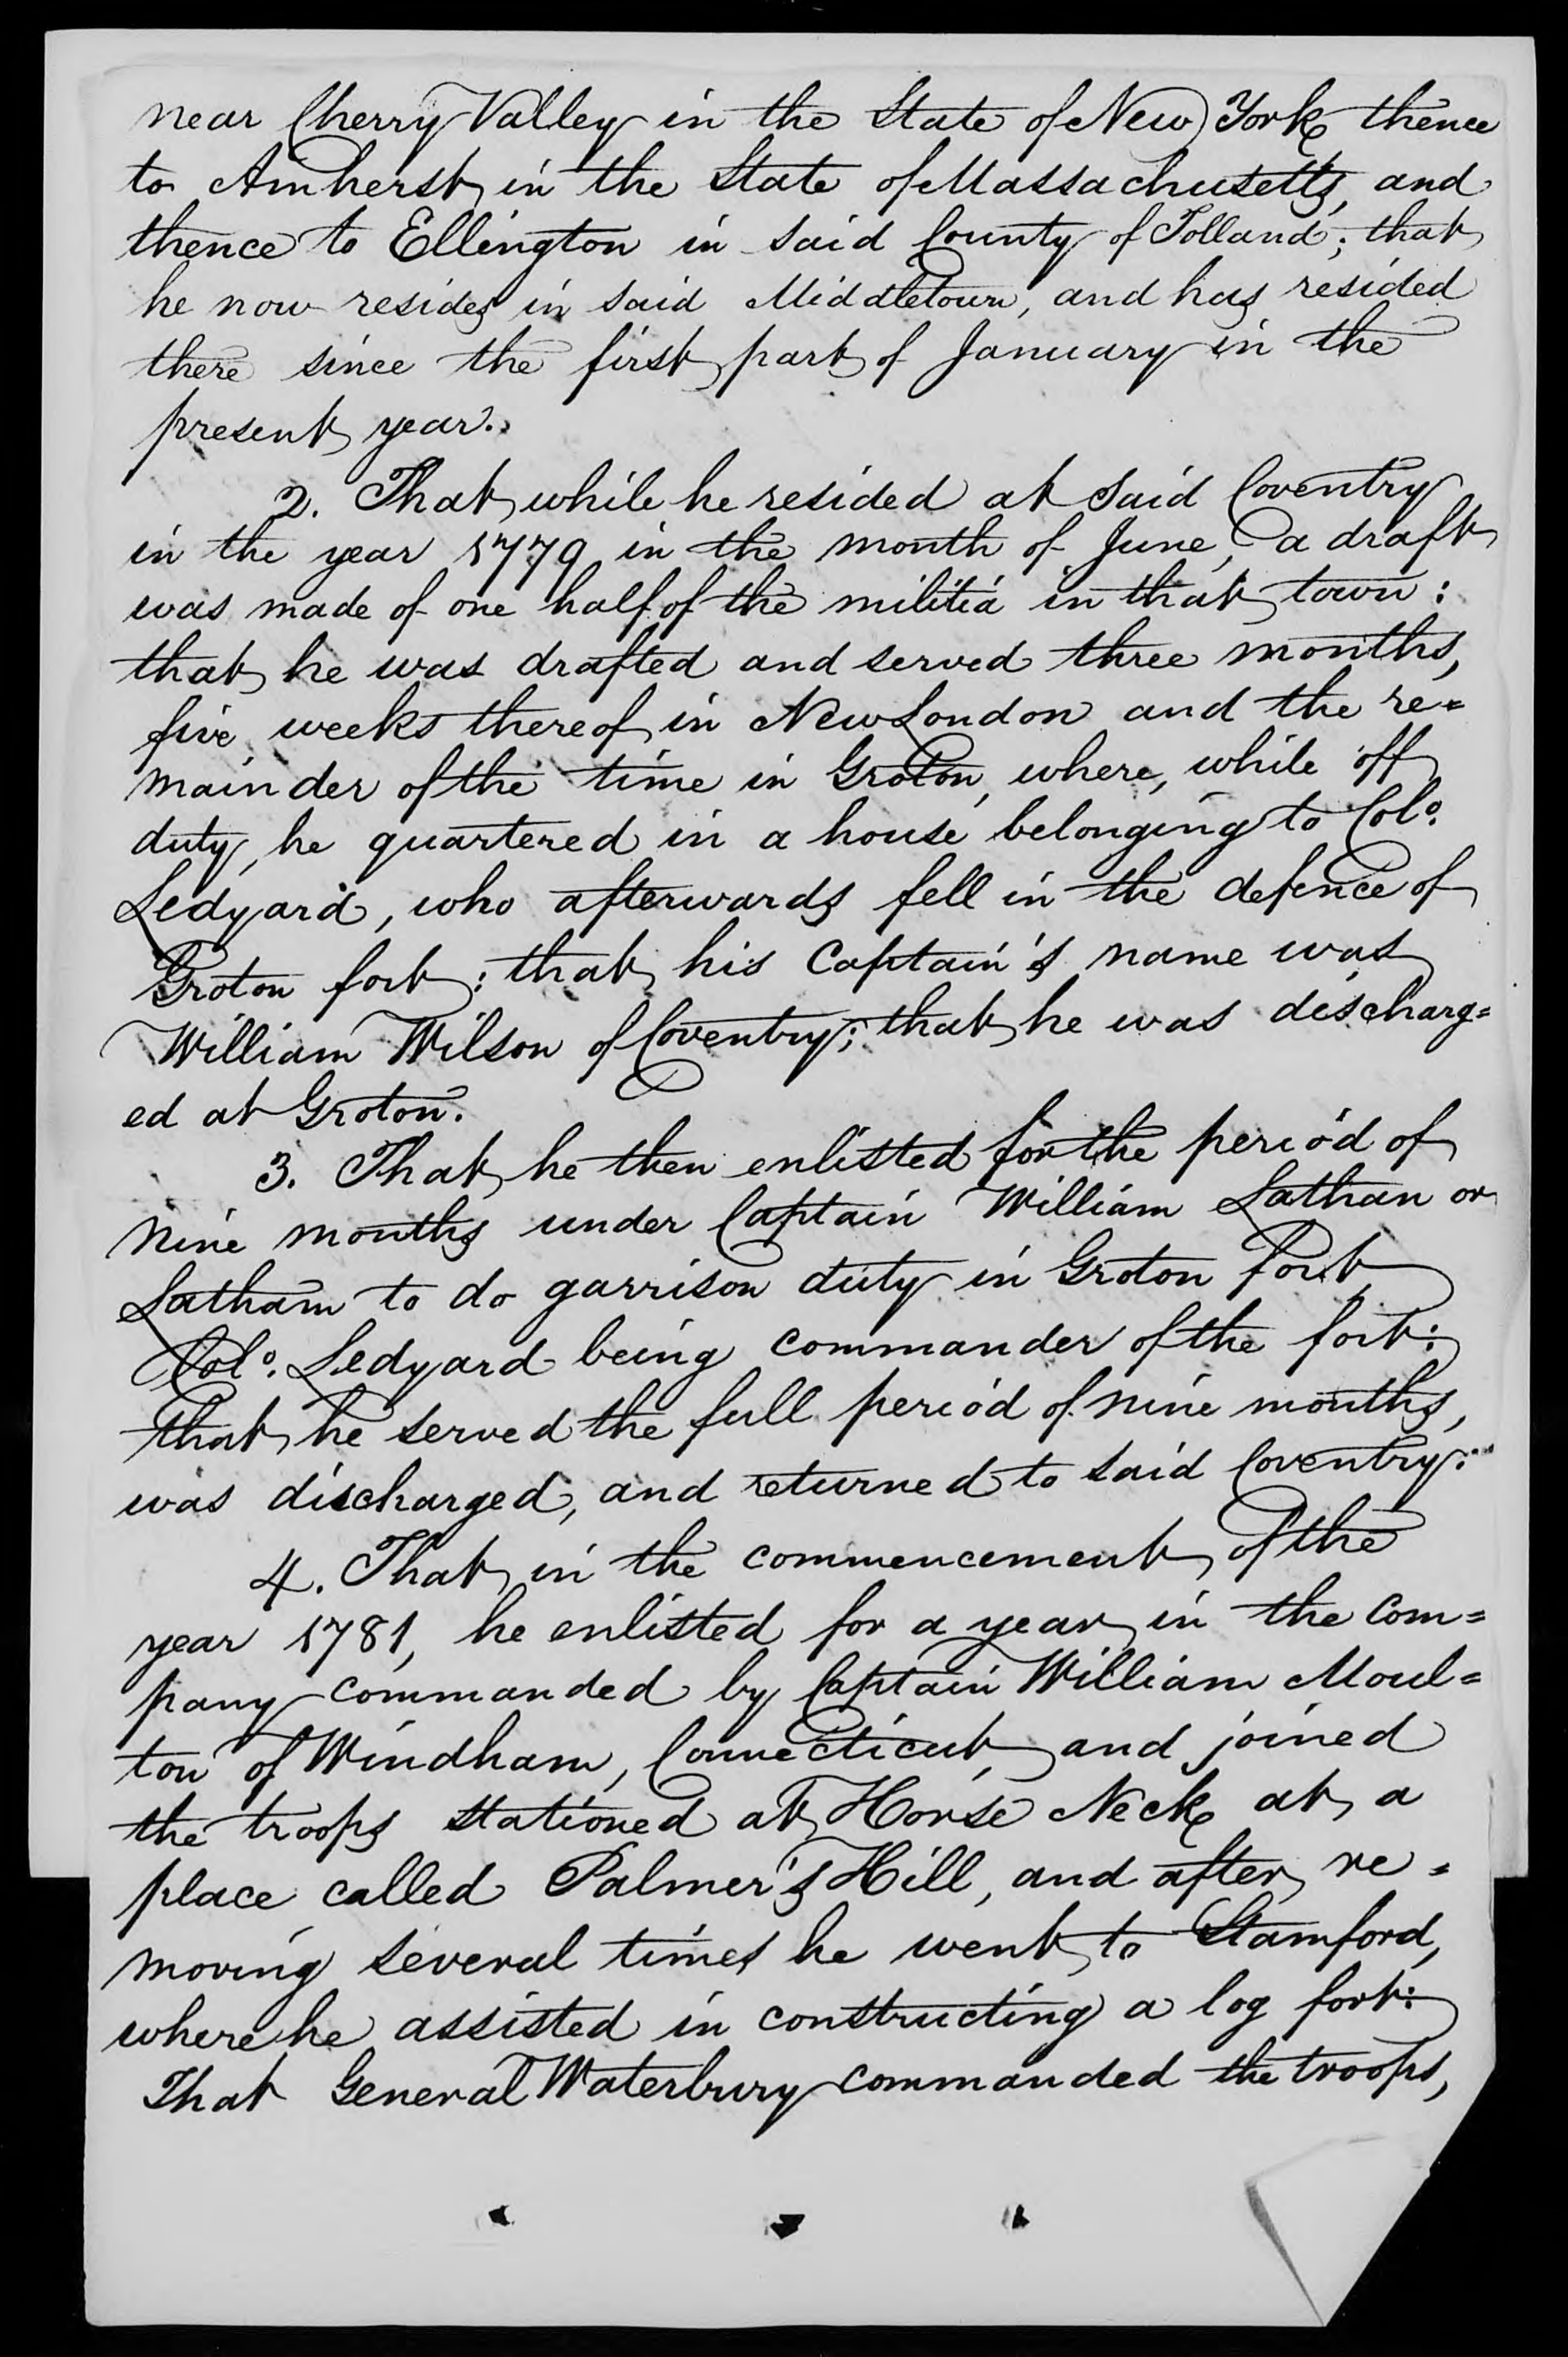near Cherry Valley in the State of New York thence to Amherst, in the State of Massachusetts, and thence to Ellington in said county of Tolland; that he now resides in said Middletown, and has resided there since the first part of January in the present year.

2. That while he resided at said Coventry in the year 1779 in the month of June, a draft was made of one half of the militia in that town; that he was drafted and served three months, five weeks thereof in New London and the remainder of the time in Groton, where, while off duty, he quartered in a house belonging to Col. Ledyard, who afterwards fell in the defence (defense) of Groton Fort; that his Captain's name was William Wilson of Coventry; that he was discharged at Groton.

3. That he then enlisted for the period of nine months under Captain William Lathan or Latham to do garrison duty in Groton Fort. Col. Ledyard being commander of the fort; that he served the full period of nine months, was discharged, and returned to said Coventry.

4. That in the commencement of the year 1781, he enlisted for a year in the company commanded by Captain William Moulton of Windham, Connecticut, and joined the troops stationed at Horse Neck at a place called Palmer's Hill, and after removing several times he went to Stamford, where he assisted in constructing a log fort; that General Waterbury commanded the troops,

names: Ledyard, Ledyard, Waterbury, William Moulton, William Wilson, William Latham, William Lathan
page: 5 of 50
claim: survivor's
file: S 10607, Jabez Edwards, Conn.